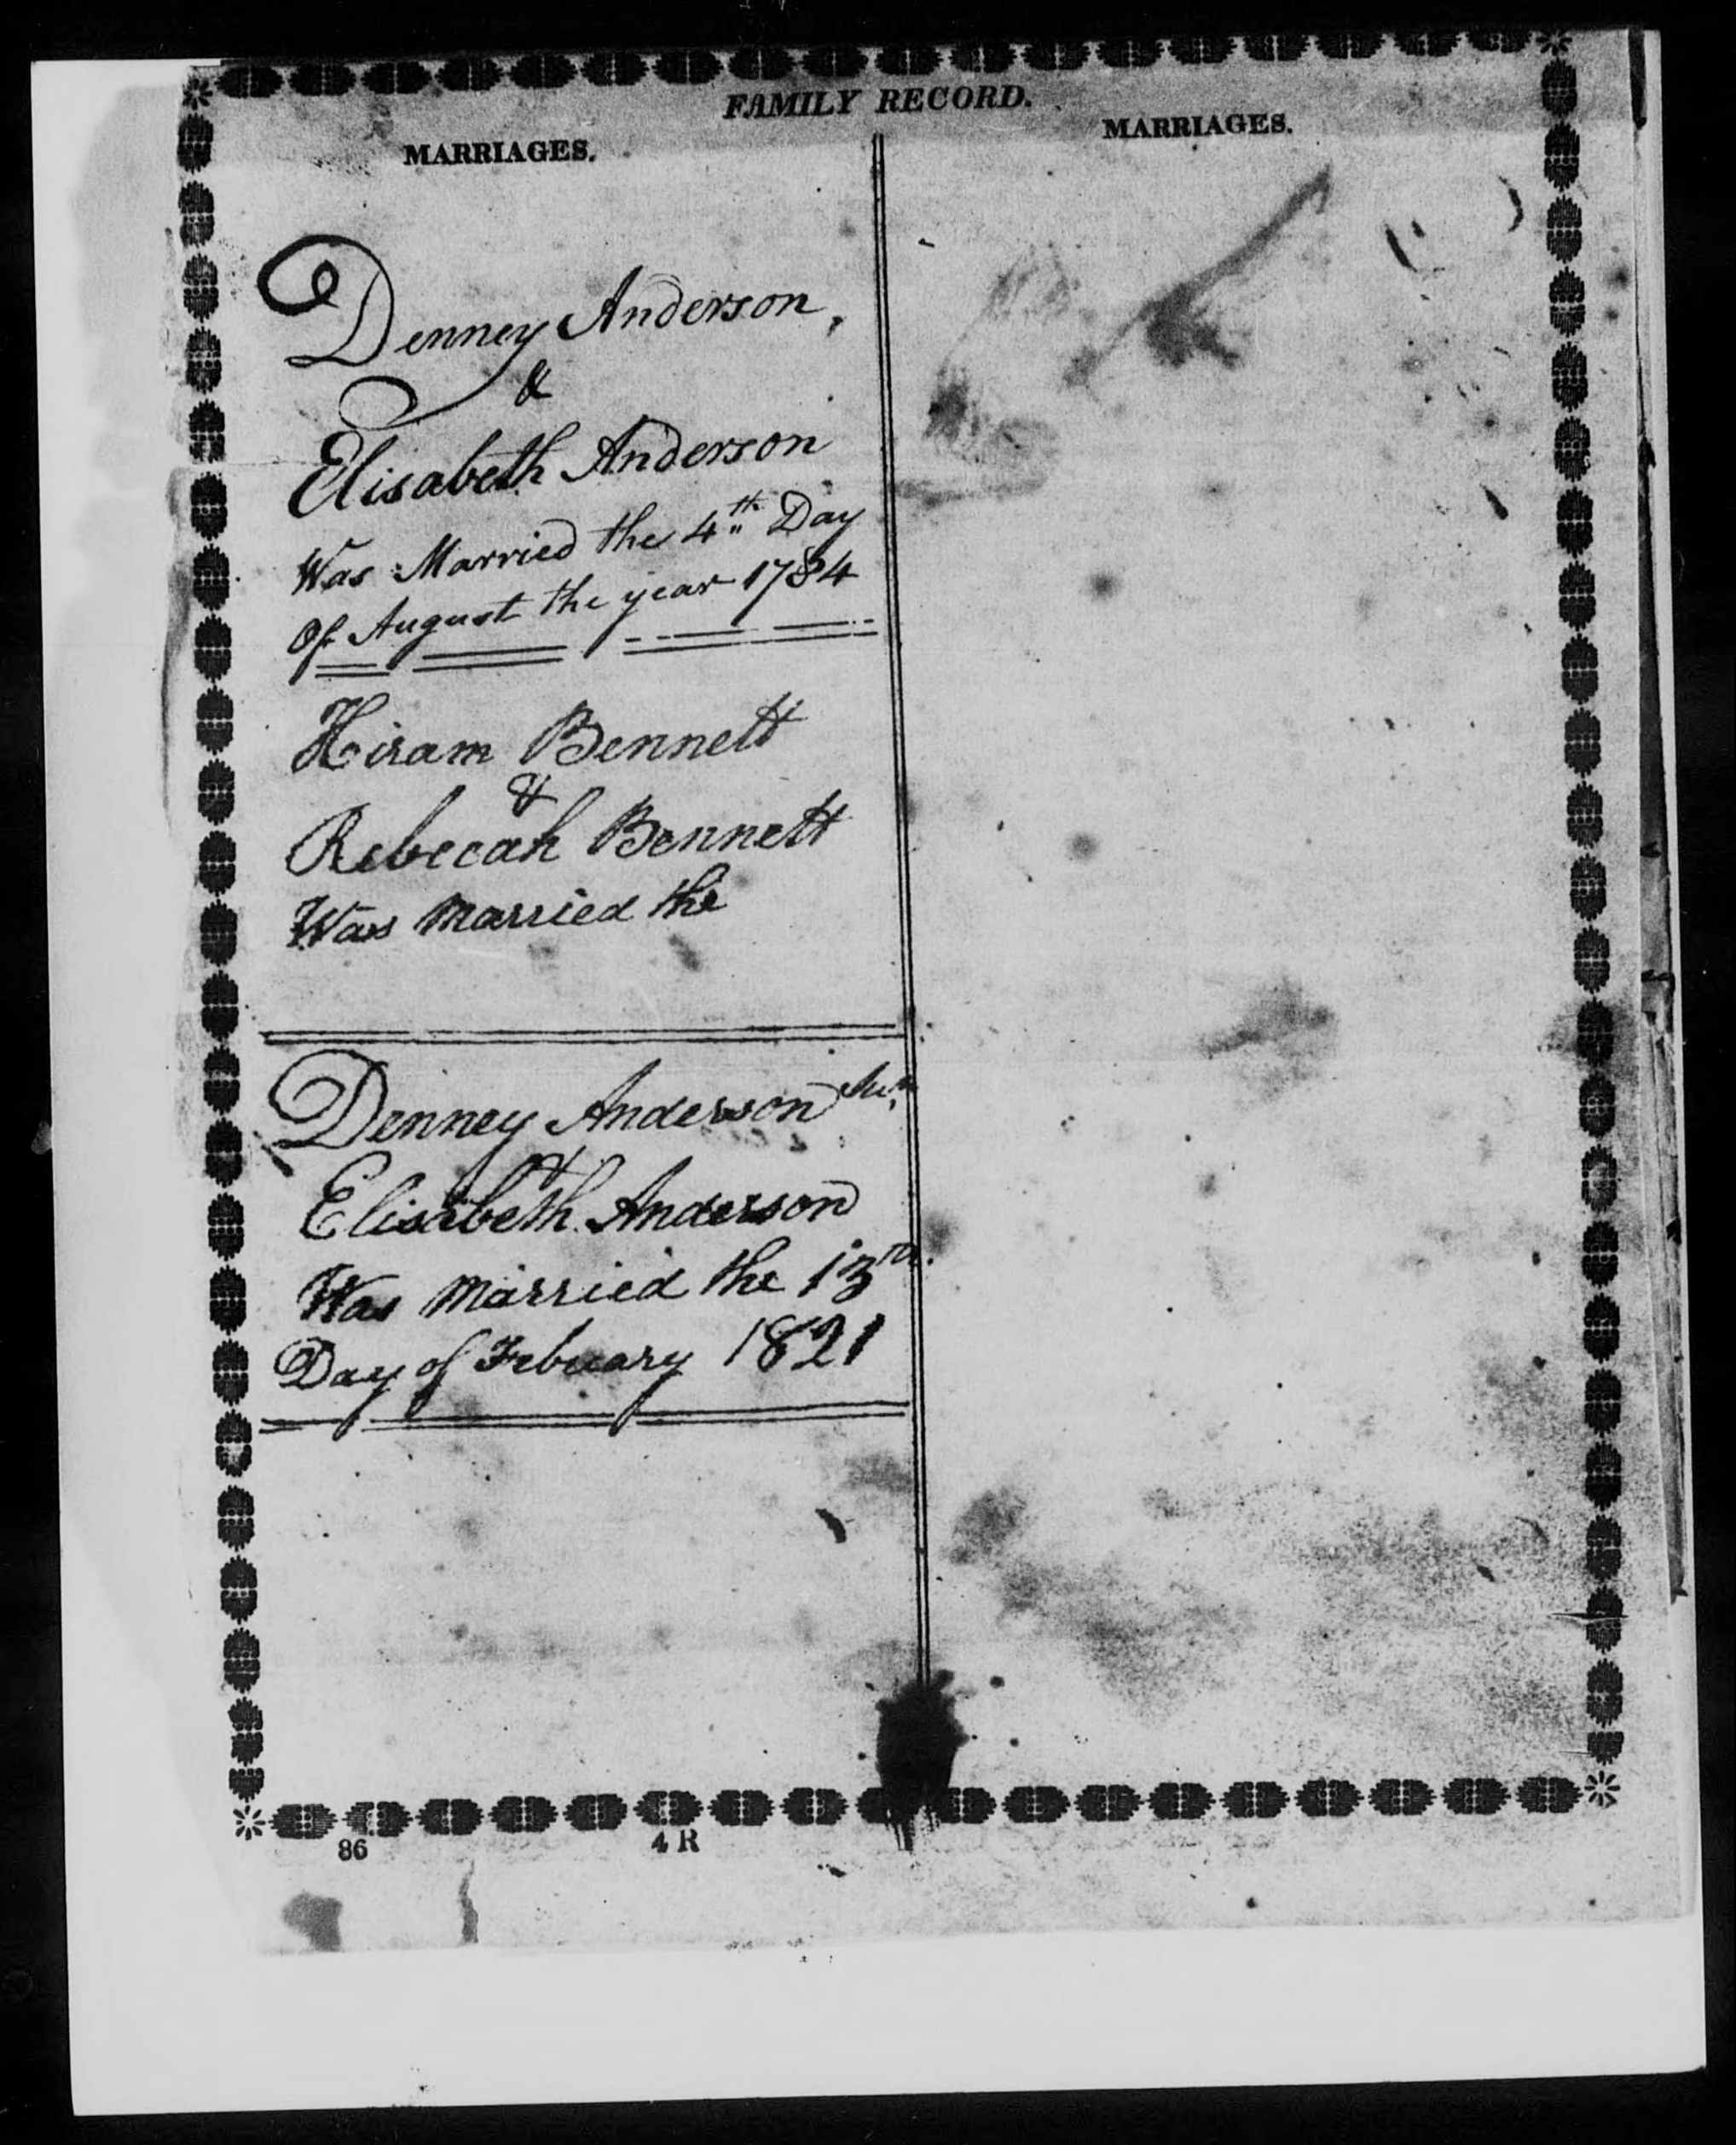FAMILY RECORD.
MARRIAGES.

Denney Anderson
&
Elisabeth Anderson
was married the 4th Day
of August the year 1784
=================
Hiram Bennett
&
Rebecah Bennett
was married the

==================
Denney Anderson Jur.
&
Elisabeth Anderson
was married the 13th
Day of February 1821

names: Elisabeth Anderson, Rebecah Bennett, Denney Anderson, Hiram Bennett, Elisabeth Anderson, Denney Anderson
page: 18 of 51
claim: widow's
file: W. 9700, Denney Anderson, S.C.